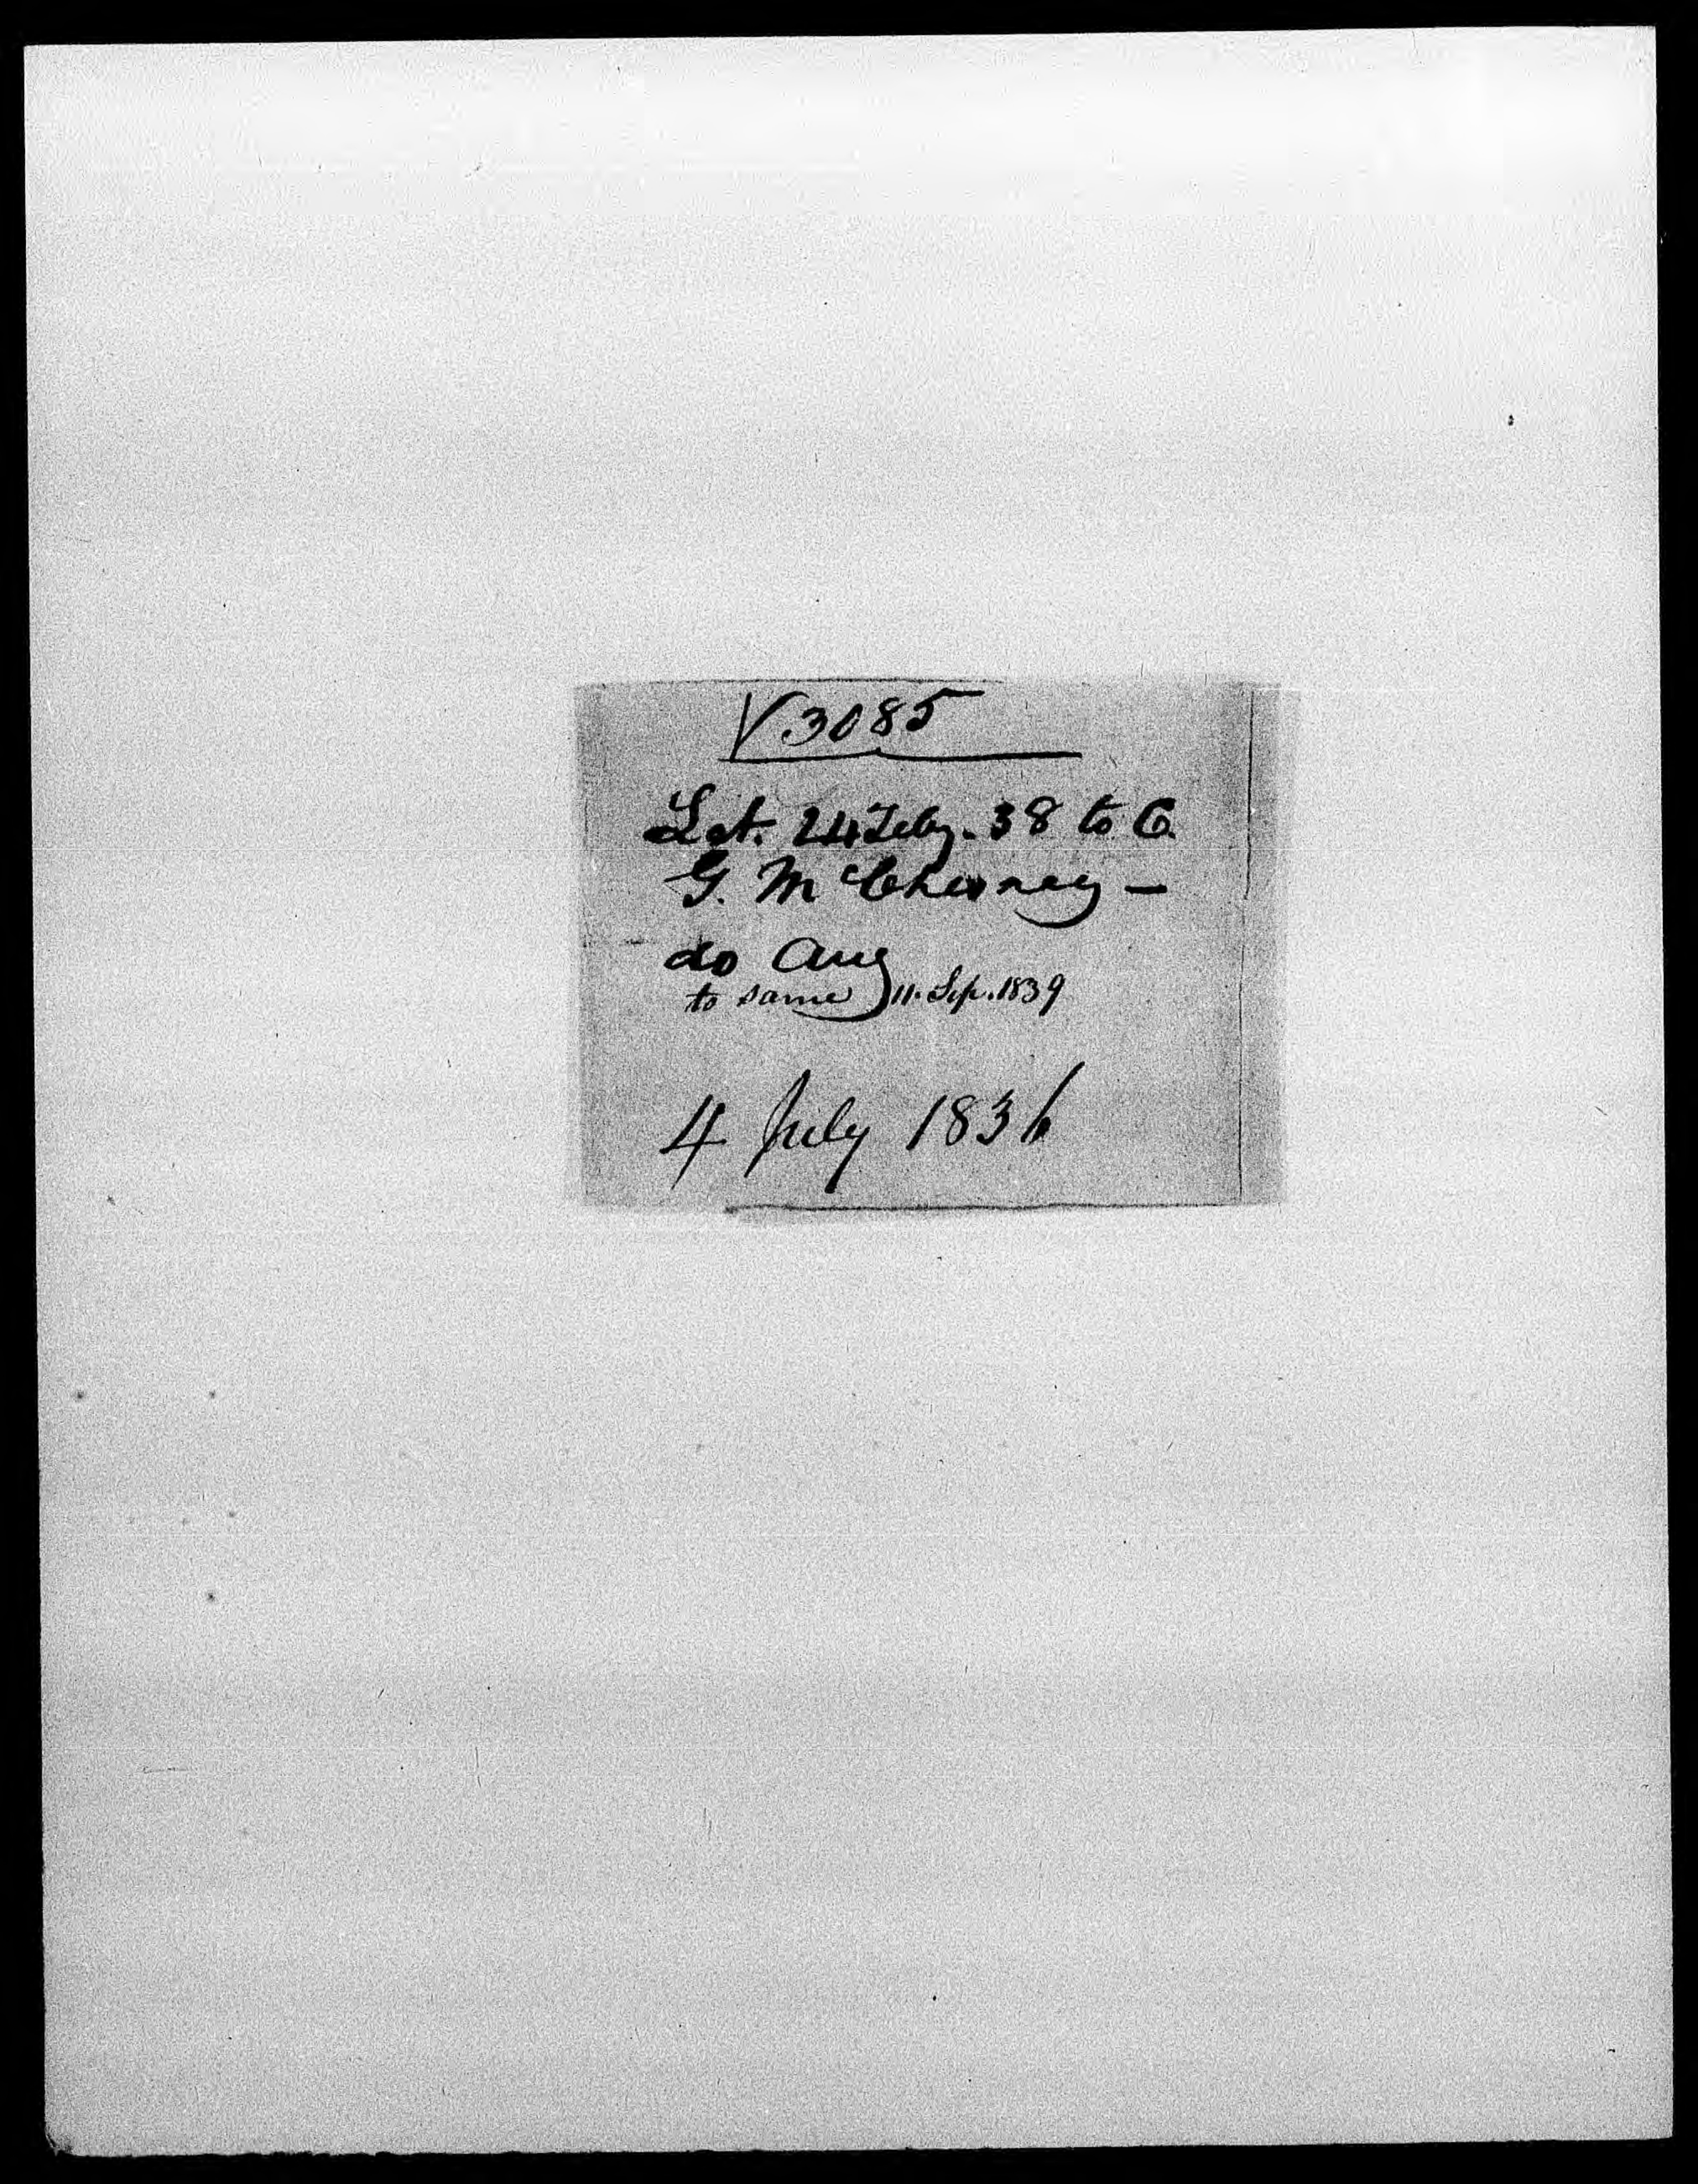V3085
------------
Let. 24 July 38 to C.
G. McChesney-

do AWY
to same 11 Sep. 1839

4 July 1836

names: C G Mc Chesney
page: 22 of 34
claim: widow's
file: W. 940, John Hulshart, New Jersey